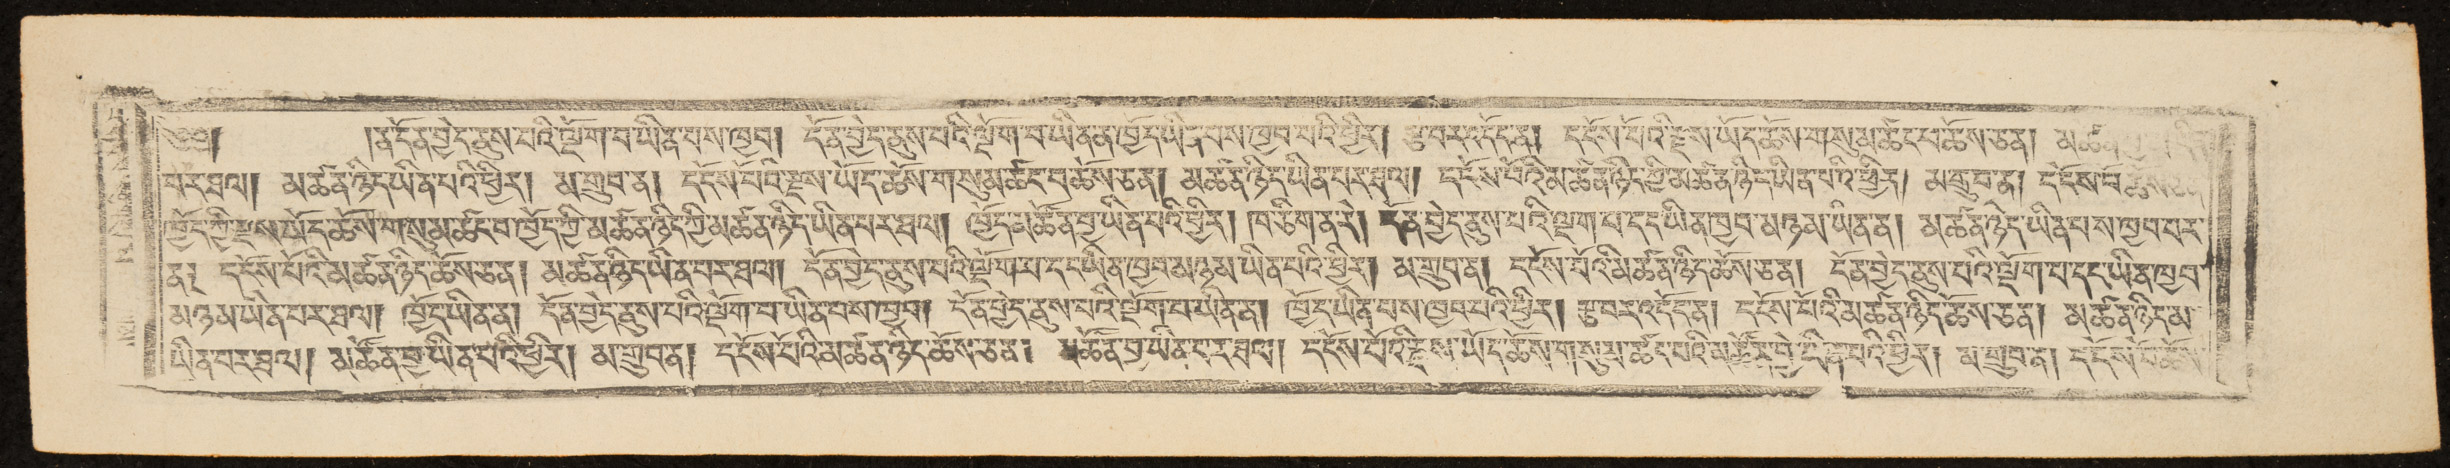༄༅། །ན་དོན་བྱེད་ནུས་པའི་ལྡོག་པ་ཡིན་པས་ཁྱབ། དོན་བྱེད་ནུས་པའི་ལྡོག་པ་ཡིན་ན་ཁྱོད་ཡིན་པས་ཁྱབ་པའི་ཕྱིར། རྩ་བར་འདོད་ན། དངོས་པོའི་རྫས་ཡོད་ཆོས་གསུམ་ཚང་བ་ཆོས་ཅན། མཚོན་བྱ་མ་ཡིན་
པར་ཐལ། མཚན་ཉིད་ཡིན་པའི་ཕྱིར། མ་གྲུབ་ན། དངོས་པོའི་རྫས་ཡོད་ཆོས་གསུམ་ཚང་བ་ཆོས་ཅན། མཚན་ཉིད་ཡིན་པར་ཐལ། དངོས་པོའི་མཚན་ཉིད་ཀྱི་མཚན་ཉིད་ཡིན་པའི་ཕྱིར། མ་གྲུབ་ན། དངོས་པོ་ཆོས་ཅན།
ཁྱོད་ཀྱི་རྫས་ཡོད་ཆོས་གསུམ་ཚང་བ་ཁྱོད་ཀྱི་མཚན་ཉིད་ཀྱི་མཚན་ཉིད་ཡིན་པར་ཐལ། ཁྱོད་མཚོན་བྱ་ཡིན་པའི་ཕྱིར། ཁ་ཅིག་ན་རེ། དོན་བྱེད་ནུས་པའི་ལྡོག་པ་དང་ཡིན་ཁྱབ་མཉམ་ཡིན་ན། མཚན་ཉིད་ཡིན་པས་ཁྱབ་ཟེར་
ན། དངོས་པོའི་མཚན་ཉིད་ཆོས་ཅན། མཚན་ཉིད་ཡིན་པར་ཐལ། དོན་བྱེད་ནུས་པའི་ལྡོག་པ་དང་ཡིན་ཁྱབ་མཉམ་ཡིན་པའི་ཕྱིར། མ་གྲུབ་ན། དངོས་པོའི་མཚན་ཉིད་ཆོས་ཅན། དོན་བྱེད་ནུས་པའི་ལྡོག་པ་དང་ཡིན་ཁྱབ་
མཉམ་ཡིན་པར་ཐལ། ཁྱོད་ཡིན་ན། དོན་བྱེད་ནུས་པའི་ལྡོག་པ་ཡིན་པས་ཁྱབ། དོན་བྱེད་ནུས་པའི་ལྡོག་པ་ཡིན་ན། ཁྱོད་ཡིན་པས་ཁྱབ་པའི་ཕྱིར། རྩ་བར་འདོད་ན། དངོས་པོའི་མཚན་ཉིད་ཆོས་ཅན། མཚན་ཉིད་མ་
ཡིན་པར་ཐལ། མཚོན་བྱ་ཡིན་པའི་ཕྱིར། མ་གྲུབ་ན། དངོས་པོའི་མཚན་ཉིད་ཆོས་ཅན། མཚོན་བྱ་ཡིན་པར་ཐལ། དངོས་པོའི་རྫས་ཡོད་ཆོས་གསུམ་ཚང་བའི་མཚོན་བྱ་ཡིན་པའི་ཕྱིར། མ་གྲུབ་ན། དངོས་པོ་ཆོས་